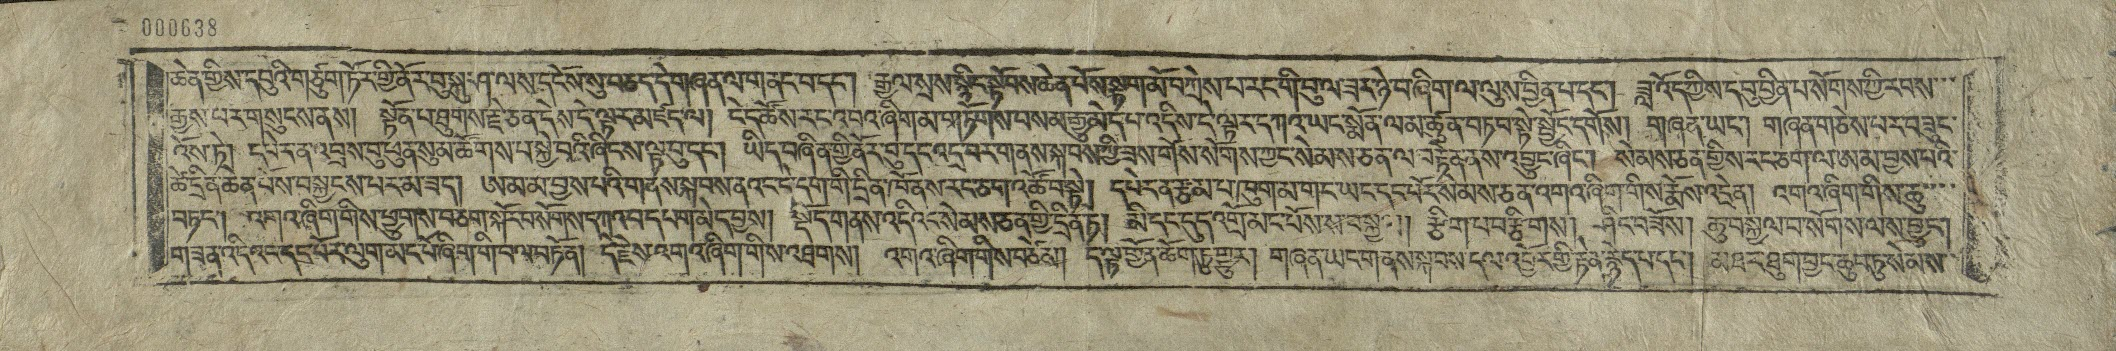ཆེན་གྱིས་དབུའི་གཙུག་ཏོར་གྱི་ནོར་བུ་སྐུ་ཤ་ལས་དངོས་སུ་བཅད་དེ་གཞན་ལ་གནང་བ་དང་། རྒྱལ་སྲས་སྙིང་སྟོབས་ཆེན་པོས་སྟག་མོ་བཀྲེས་པ་རང་གི་བུ་ལ་ཟར་ཉེ་བ་ཞིག་ལ་ལུས་བྱིན་པ་དང་། ཟླ་འོད་ཀྱིས་དབུ་བྱིན་པ་སོགས་ཀྱི་རབས་
རྒྱས་པར་གསུངས་ནས། སྟོན་པ་ཐུགས་རྗེ་ཅན་དེས་དེ་ལྟར་མཛད་ལ། ངེད་ཚོས་རང་འབའ་ཞིག་མ་གཏོགས་བསམ་རྒྱུ་མེད་པ་འདིས་དེ་ལྟར་དཀའ་ཡང་སྨོན་ལམ་ཚུན་བཏབ་སྟེ་སྦྱོང་དགོས། གཞན་ཡང་། གཞན་གཅེས་པར་བཟུང་
འོས་ཏེ། དཔེར་ན་འབྲས་བུ་ཕུན་སུམ་ཚོགས་པ་སྐྱེ་བའི་ཞིང་ས་ལྟ་བུ་དང་། ཡིད་བཞིན་གྱི་ནོར་བུ་དང་འདྲ་བར་གནས་སྐབས་ཀྱི་ཟས་གོས་སོགས་ཀྱང་སེམས་ཅན་ལ་བརྟེན་ནས་འབྱུང་ཞིང་། སེམས་ཅན་གྱིས་རང་ཅག་ལ་ཨ་མ་བྱས་པའི་
ཚེ་དྲིན་ཆན་པས་བསྐྱངས་པར་མ་ཟད། ཨ་མ་མ་བྱས་པའི་གནས་སྐབས་ནའང་དེ་དག་གི་དྲིན་ཁོ་ནས་རང་ཅག་འཚོ་བ་སྟེ། དཔེར་ན་རྩམ་པ་ཁུག་མ་གང་ཡང་དང་པོར་སེམས་ཅན་འགའ་ཞིག་གིས་རྨོས་འདྲེན། འགའ་ཞིག་གིས་ཆུ་
བཏང་། འགའ་ཞིག་གིས་ཕྱུགས་བཅག་སྐོར་བ་སོགས་དཀའ་བ་དཔག་མེད་བྱས། སྡོད་གནས་འདིའང་སེམས་ཅན་གྱི་དྲིན་ཏེ། མི་དང་དུད་འགྲོ་མང་པོས་ས་བསྐྱལ། རྩིག་པ་བརྩིགས། ཤིང་བཟོས། ཆུ་བསྐྱལ་བ་སོགས་ལས་བྱུང་།
གཟན་འདིའང་དང་པོར་ལུག་མང་པོ་ཞིག་གི་བལ་བཏོན། དེ་རྗེས་འགའ་ཞིག་གིས་འཐགས། འགའ་ཞིག་གིས་བཙེམ། ད་ལྟ་གྱོན་ཆོག་ཏུ་གྱུར། གཞན་ཡང་གནས་སྐབས་དལ་འབྱོར་གྱི་རྟེན་རྙེད་པ་དང་། མཐར་ཐུག་བྱང་ཆུབ་ཏུ་སེམས་